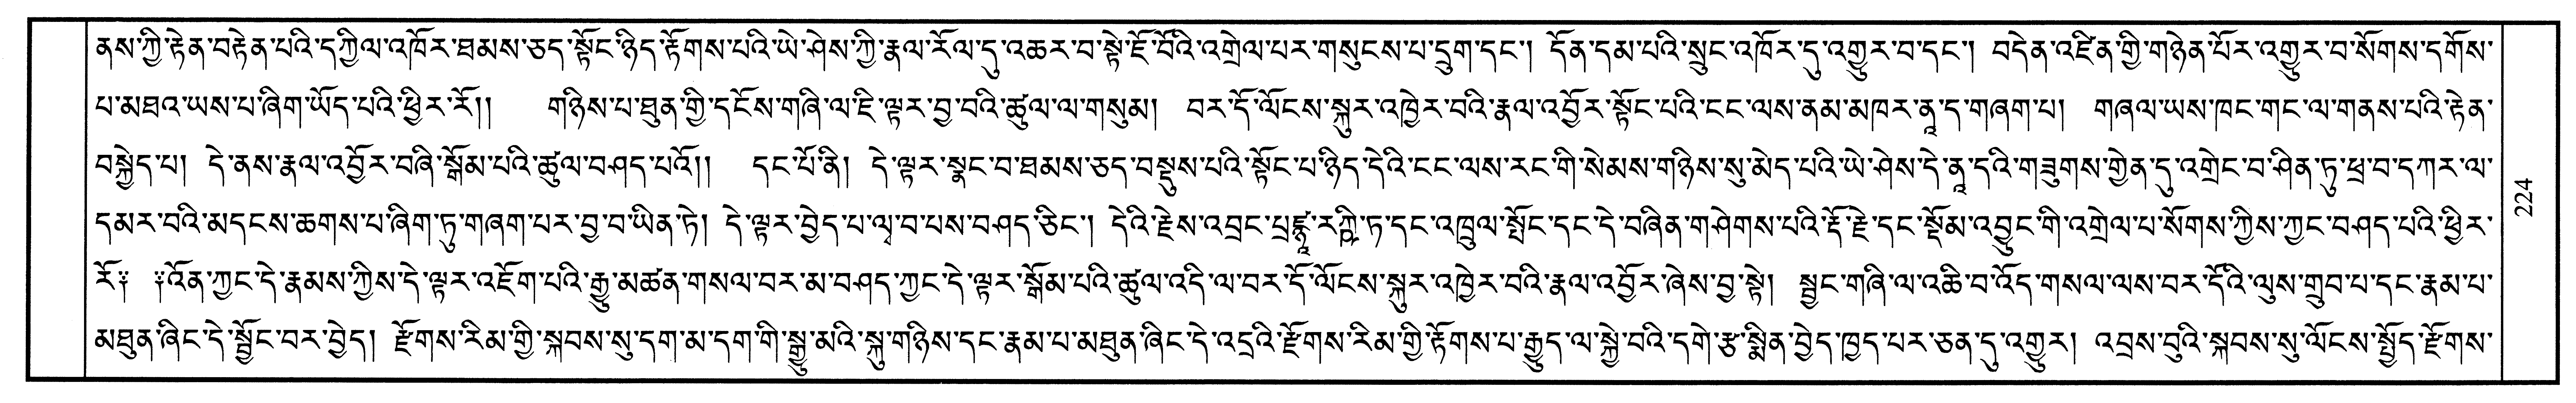ནས་ཀྱི་རྟེན་བརྟེན་པའི་དཀྱིལ་འཁོར་ཐམས་ཅད་སྟོང་ཉིད་རྟོགས་པའི་ཡེ་ཤེས་ཀྱི་རྣལ་རོལ་དུ་འཆར་བ་སྟེ་ཇོ་བོའི་འགྲེལ་པར་གསུངས་པ་དྲུག་དང་། དོན་དམ་པའི་སྲུང་འཁོར་དུ་འགྱུར་བ་དང་། བདེན་འཛིན་གྱི་གཉེན་པོར་འགྱུར་བ་སོགས་དགོས་
པ་མཐའ་ཡས་པ་ཞིག་ཡོད་པའི་ཕྱིར་རོ།། གཉིས་པ་ཐུན་གྱི་དངོས་གཞི་ལ་ཇི་ལྟར་བྱ་བའི་ཚུལ་ལ་གསུམ། བར་དོ་ལོངས་སྐུར་འཁྱེར་བའི་རྣལ་འབྱོར་སྟོང་པའི་ངང་ལས་ནམ་མཁར་ནཱ་ད་གཞག་པ། གཞལ་ཡས་ཁང་གང་ལ་གནས་པའི་རྟེན་
བསྐྱེད་པ། དེ་ནས་རྣལ་འབྱོར་བཞི་སྒོམ་པའི་ཚུལ་བཤད་པའོ།། དང་པོ་ནི། དེ་ལྟར་སྣང་བ་ཐམས་ཅད་བསྡུས་པའི་སྟོང་པ་ཉིད་དེའི་ངང་ལས་རང་གི་སེམས་གཉིས་སུ་མེད་པའི་ཡེ་ཤེས་དེ་ནཱ་དའི་གཟུགས་གྱེན་དུ་འགྲེང་བ་ཤིན་ཏུ་ཕྲ་བ་དཀར་ལ་
དམར་བའི་མདངས་ཆགས་པ་ཞིག་ཏུ་གཞག་པར་བྱ་བ་ཡིན་ཏེ། དེ་ལྟར་བྱེད་པ་ལྭ་བ་པས་བཤད་ཅིང་། དེའི་རྗེས་འབྲང་པྲཛྙཱ་རཀྵི་ཏ་དང་འཁྲུལ་སྤོང་དང་དེ་བཞིན་གཤེགས་པའི་རྡོ་རྗེ་དང་སྡོམ་འབྱུང་གི་འགྲེལ་པ་སོགས་ཀྱིས་ཀྱང་བཤད་པའི་ཕྱིར་
རོ༑ ༑འོན་ཀྱང་དེ་རྣམས་ཀྱིས་དེ་ལྟར་འཇོག་པའི་རྒྱུ་མཚན་གསལ་བར་མ་བཤད་ཀྱང་དེ་ལྟར་སྒོམ་པའི་ཚུལ་འདི་ལ་བར་དོ་ལོངས་སྐུར་འཁྱེར་བའི་རྣལ་འབྱོར་ཞེས་བྱ་སྟེ། སྦྱང་གཞི་ལ་འཆི་བ་འོད་གསལ་ལས་བར་དོའི་ལུས་གྲུབ་པ་དང་རྣམ་པ་
མཐུན་ཞིང་དེ་སྦྱོང་བར་བྱེད། རྫོགས་རིམ་གྱི་སྐབས་སུ་དག་མ་དག་གི་སྒྱུ་མའི་སྐུ་གཉིས་དང་རྣམ་པ་མཐུན་ཞིང་དེ་འདྲའི་རྫོགས་རིམ་གྱི་རྟོགས་པ་རྒྱུད་ལ་སྐྱེ་བའི་དགེ་རྩ་སྨིན་བྱེད་ཁྱད་པར་ཅན་དུ་འགྱུར། འབྲས་བུའི་སྐབས་སུ་ལོངས་སྤྱོད་རྫོགས་